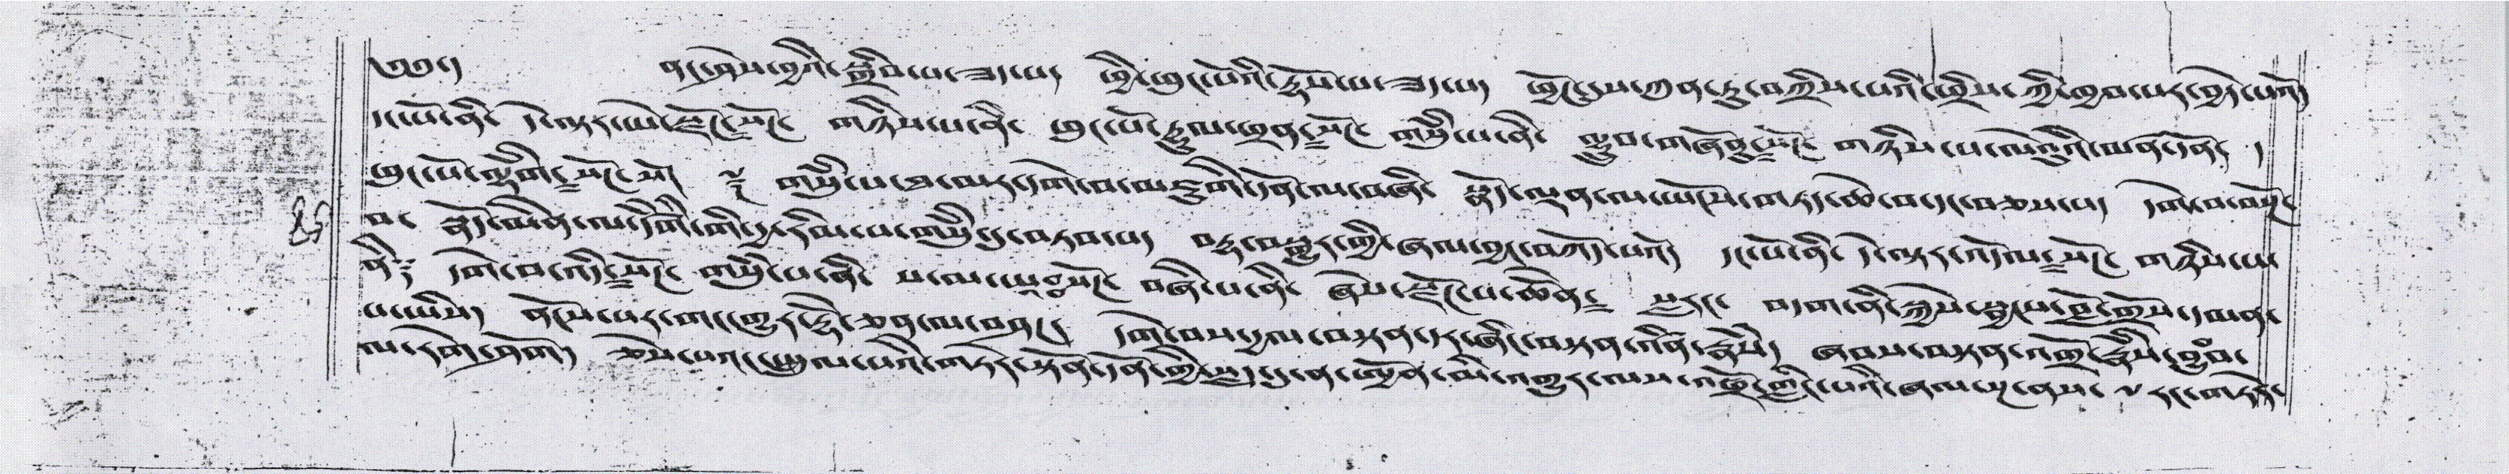ནང་ཤེས་བྱའི་སྒྲིབ་པ་ཟད་པ། ཕྱི་ཕུང་པོའི་རྡོས་པ་ཟད་པ། ཕྱོགས་དུས་ཀུན་ཏུ་བཀྲ་ཤིས་པའི་འཕྲིན་ལས་ཀྱིས་ཁྱབ་པར་བྱེད་པའོ། 
དང་པོ་ནི། དེ་ལྟར་ཡེ་རྫོགས༑ སོགས། གཉིས་པ་ནི། ཕུང་པོ་རྡུལ་ཕྲན༑ སོགས། གསུམ་པ་ནི། ལྷུན་གྲུབ་གཞོན་ནུ༑ སོགས། གཉིས་པ་ལེའུའི་མཚན་དོན། 
ཕུང་པོ་ལྷག་མའི༑ སོགས་སོ། ༧ གསུམ་པ་ཐ་མལ་དགེ་བ་མཇུག་གི་དོན་ལ་བཞི། སྣོད་ལྡན་ལ་ཡོངས་གཏད་ཆེ་བ་དང་བཅས་པ། དགེ་བ་བསྔོ་
བ། སྣོད་མིན་ལ་དམ་ཚིག་གི་རྒྱ་རིམ་པ་གསུམ་དུ་བཏབ་པ། བརྡ་སྒྱུར་གྱི་ཞལ་བྱང་བཀོད་པའོ། དང་པོ་ནི། དེ་ལྟར་འོད་གསལ༑ སོགས། གཉིས་པ་
ནི། དགེ་བ་འདི༑ སོགས། གསུམ་པ་ནི། ས་མ་ཡ༑ སོགས། བཞི་པ་ནི། ཞེས་པ་རྫོགས་པ་ཆེན་པོ༑ སླར་ཡང་། བདག་ནི་སྐྱེས་སྦྱངས་བློ་གྲོས་དམན་
པ་ཡིས། ནོངས་པར་གང་གྱུར་རྡོ་རྗེ་ཅན་ལ་བཤགས། དགེ་བས་རྒྱལ་བསྟན་དར་ཞིང་བསྟན་འཛིན་རྣམས། ཞབས་བརྟན་འགྲོ་རྣམས་བྱང་ཆུབ་
ལ་རེག་ཤོག། ཅེས་པའང་སྤྲུལ་པའི་གཏེར་སྟོན་དོན་གྱི་སླད་དུ་ན་ཨོ་རྒྱན་མི་འགྱུར་ལས་འཕྲོ་གླིང་པའི་ཞལ་སྔ་ནས། རང་གཏེར་